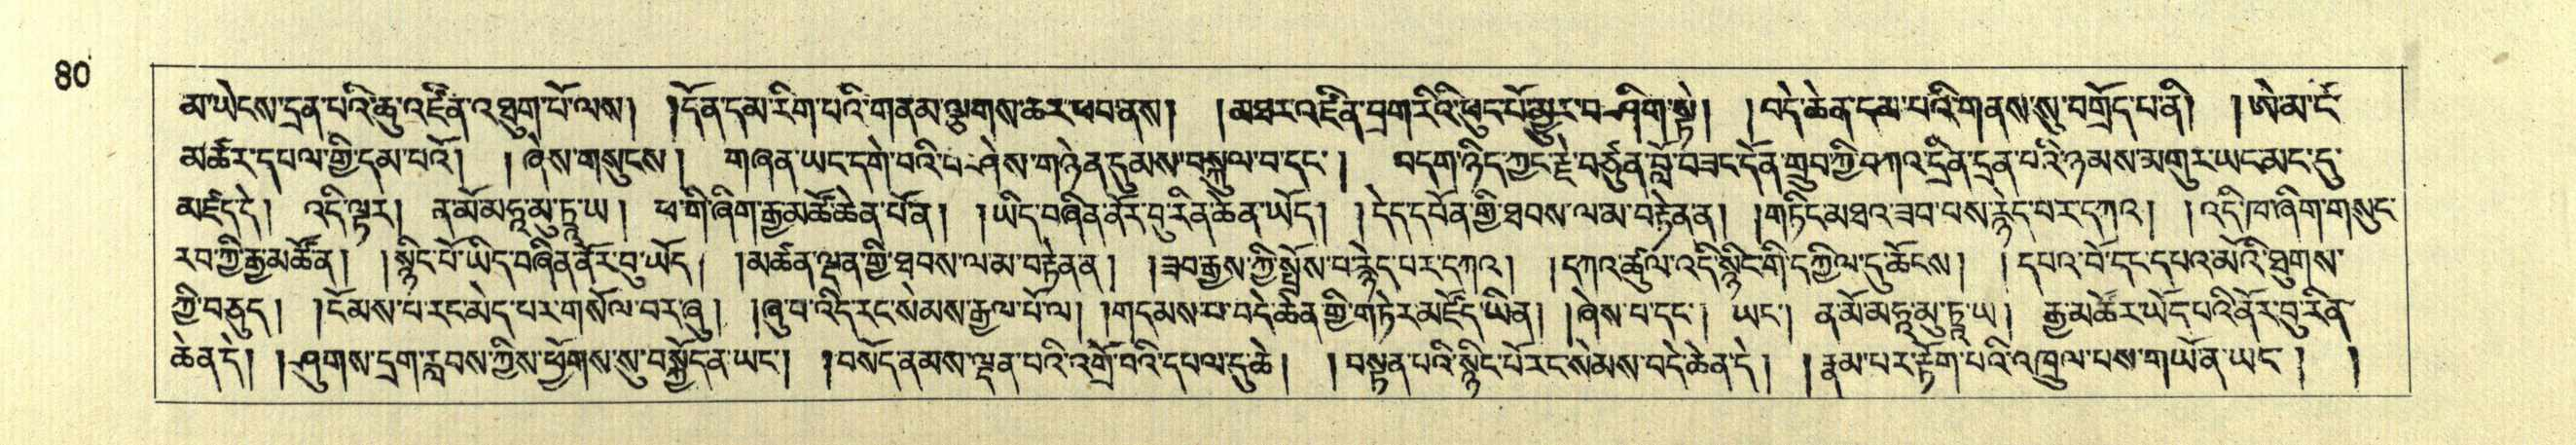མ་ཡེངས་དྲན་པའི་ཆུ་འཛིན་འཐུག་པོ་ལས། །དོན་དམ་རིག་པའི་གནམ་ལྕགས་ཆར་ཕབ་ནས། །མཐར་འཛིན་བྲག་རིའི་ཕུང་པོ་མྱུར་བཤིག་སྟེ། །བདེ་ཆེན་དམ་པའི་གནས་སུ་བགྲོད་པ་ནི། །ཨེ་མ་ངོ་
མཚར་དཔལ་གྱི་དམ་པའོ། །ཞེས་གསུངས། གཞན་ཡང་དགེ་བའི་བཤེས་གཉེན་དུ་མས་བསྐུལ་བ་དང་། བདག་ཉིད་ཀྱང་རྗེ་བཙུན་བློ་བཟང་དོན་གྲུབ་ཀྱི་བཀའ་དྲིན་པའི་ཉམས་མགུར་ཡང་མང་དུ་
མཛད་དེ། འདི་ལྟར། ན་མོ་མཧཱ་མུ་ཏྲཱ་ཡ། ཕ་གི་ཞིག་རྒྱ་མཚོ་ཆེན་པོ་ན། །ཡིད་བཞིན་ནོར་བུ་རིན་ཆེན་ཡོད། །དེད་དཔོན་གྱི་ཐབས་ལ་མ་བརྟེན་ན། །གཏིང་མཐའ་ཟབ་པས་རྙེད་བར་དཀའ། །འདི་ཁ་ཞིག་གསུང་
རབ་ཀྱི་རྒྱ་མཚོ་ན། །སྙིང་པོ་ཡིད་བཞིན་ནོར་བུ་ཡོད། །མཚན་ལྡན་གྱི་ཐབས་ལམ་བརྟེན་ན། །ཟབ་རྒྱས་ཀྱི་སྤྲོས་པ་རྙེད་པར་དཀའ། །དཀའ་ཚུལ་འདི་སྙིང་གི་དཀྱིལ་དུ་ཆོངས། །དཔའ་བོ་དང་དཔའ་མོའི་ཐུགས་
ཀྱི་བཅུད། །ངོམས་པ་རང་མེད་པར་གསོལ་བར་ཞུ། །ཞུ་བ་འདི་རང་སེམས་རྒྱལ་པོ་ལ། །གདམས་པ་བདེ་ཆེན་གྱི་གཏེར་མཛོད་ཡིན། །ཞེས་པ་དང་། ཡང་། ན་མོ་མཧཱ་མུ་ཏྲཱ་ཡ། རྒྱ་མཚོར་ཡོད་པའི་ནོར་བུ་རིན་
ཆེན་དེ། །ཤུགས་དྲག་རླབས་ཀྱིས་ཕྱོགས་སུ་བསྐྱོད་ན་ཡང་། །བསོད་ནམས་ལྡན་པའི་འགྲོ་བའི་དཔལ་དུ་ཆེ། །བསྟན་པའི་སྙིང་པོ་རང་སེམས་བདེ་ཆེན་དེ། །རྣམ་པར་རྟོག་པའི་འཁྲུལ་པས་གཡོན་ཡང་།